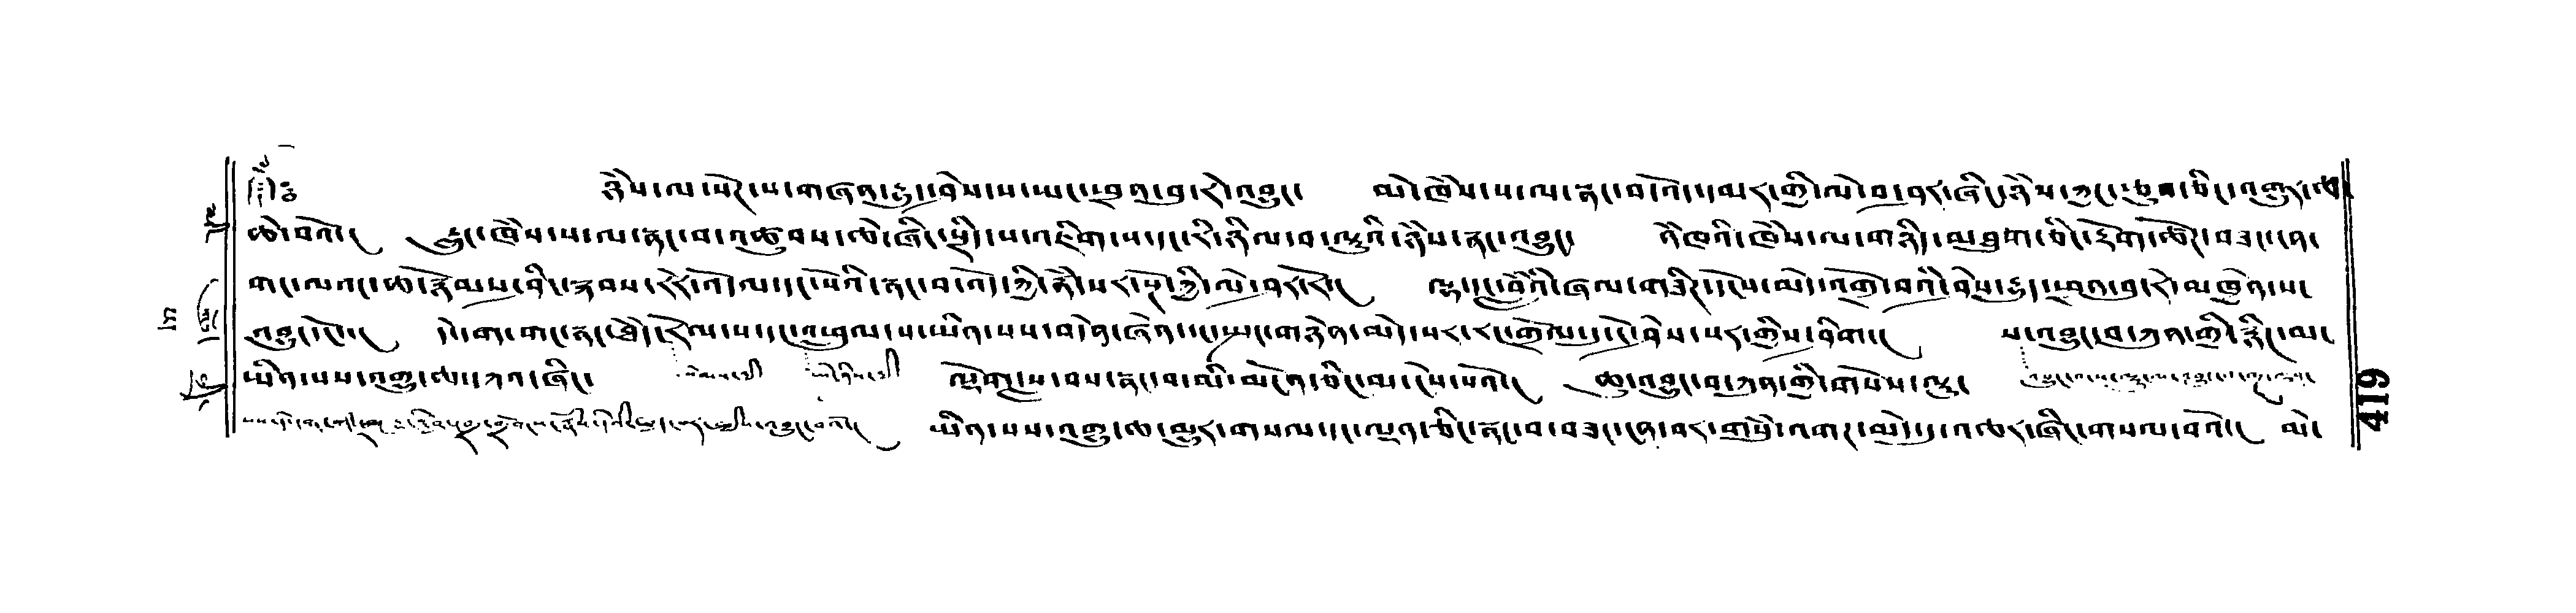ཉམས་ལ་སོགས་པ་གཞན་རྒྱུད་ཤེས་པ་ཡང་ཕྲན་བུ་རེ་འབྱུང་། མེ་ཁམས་པ་ལ་སྣང་བ་འོད་དམར་གྱི་ལེ་བ་ཤར་ཞིང་ཉམས་ཀྱང་རྩུབ་ཅིང་འགྱུར་ཆ་
ཆེ་བའོ། རླུང་ཁམས་པ་ལ་སྣང་བ་འཚུབས་ཆེ་ཞིང་སྲིད་པ་འཇིག་པ་དང་རི་ཉིལ་བ་ལྟ་བུའི་ཉམས་སྣང་འབྱུང་། ནམ་མཁའི་ཁམས་ལ་གཉིད་མཐུག་ཅིང་རྟོག་ཚོགས་བཟང་ངན་
གང་ལའང་ཆ་སྙོམས་ཤིང་སྐབས་རེར་འོད་གསལ་དང་པོའི་སྣང་བ་འོད་ཀྱི་རྣམ་པར་སྔོ་ཀྱི་ལེ་ཤར་རོ། ལྷ་དང་བླ་མའི་ཞལ་གཟིགས་དངོས་མེད་འགྲོ་བའི་ཤེས་རྒྱུད་ཕྲན་བུ་རེ་མཁྱེན་པ་
འབྱུང་ངོ་། དེ་དག་གང་སྣང་ཐམས་ཅད་རོལ་པ་དང་འཕྲུལ་པ་ཡིན་པས་བདེན་ཞེན་དང་སྤང་གཉེན་མེད་པར་རང་གྲོལ་དུ་ངོ་ཤེས་པར་གྱིས་ཤིག ས་འབྱུང་བ་ཀུན་གྱི་སྙིགས་མ་
ཡིན་པས་འགྱུ་ཆ་དཀའ་ཞིང་ལྡོག་སླ་བས་སྣང་བ་མི་མངོན་ཅིང་མ་ངེས་པའོ། ཆུ་འབྱུང་བ་ཀུན་གྱི་གསོས་ལྟ་བུ་ཡིན་པས་འགྱུ་ཆ་མྱུར་གསལ་དང་ལྡན་ཅིང་སྣང་བ་བཟང་ངན་བར་གསུམ་འགགས་མེད་དུ་འཆར་ཞིང་གསལ་བའོ། མེ་